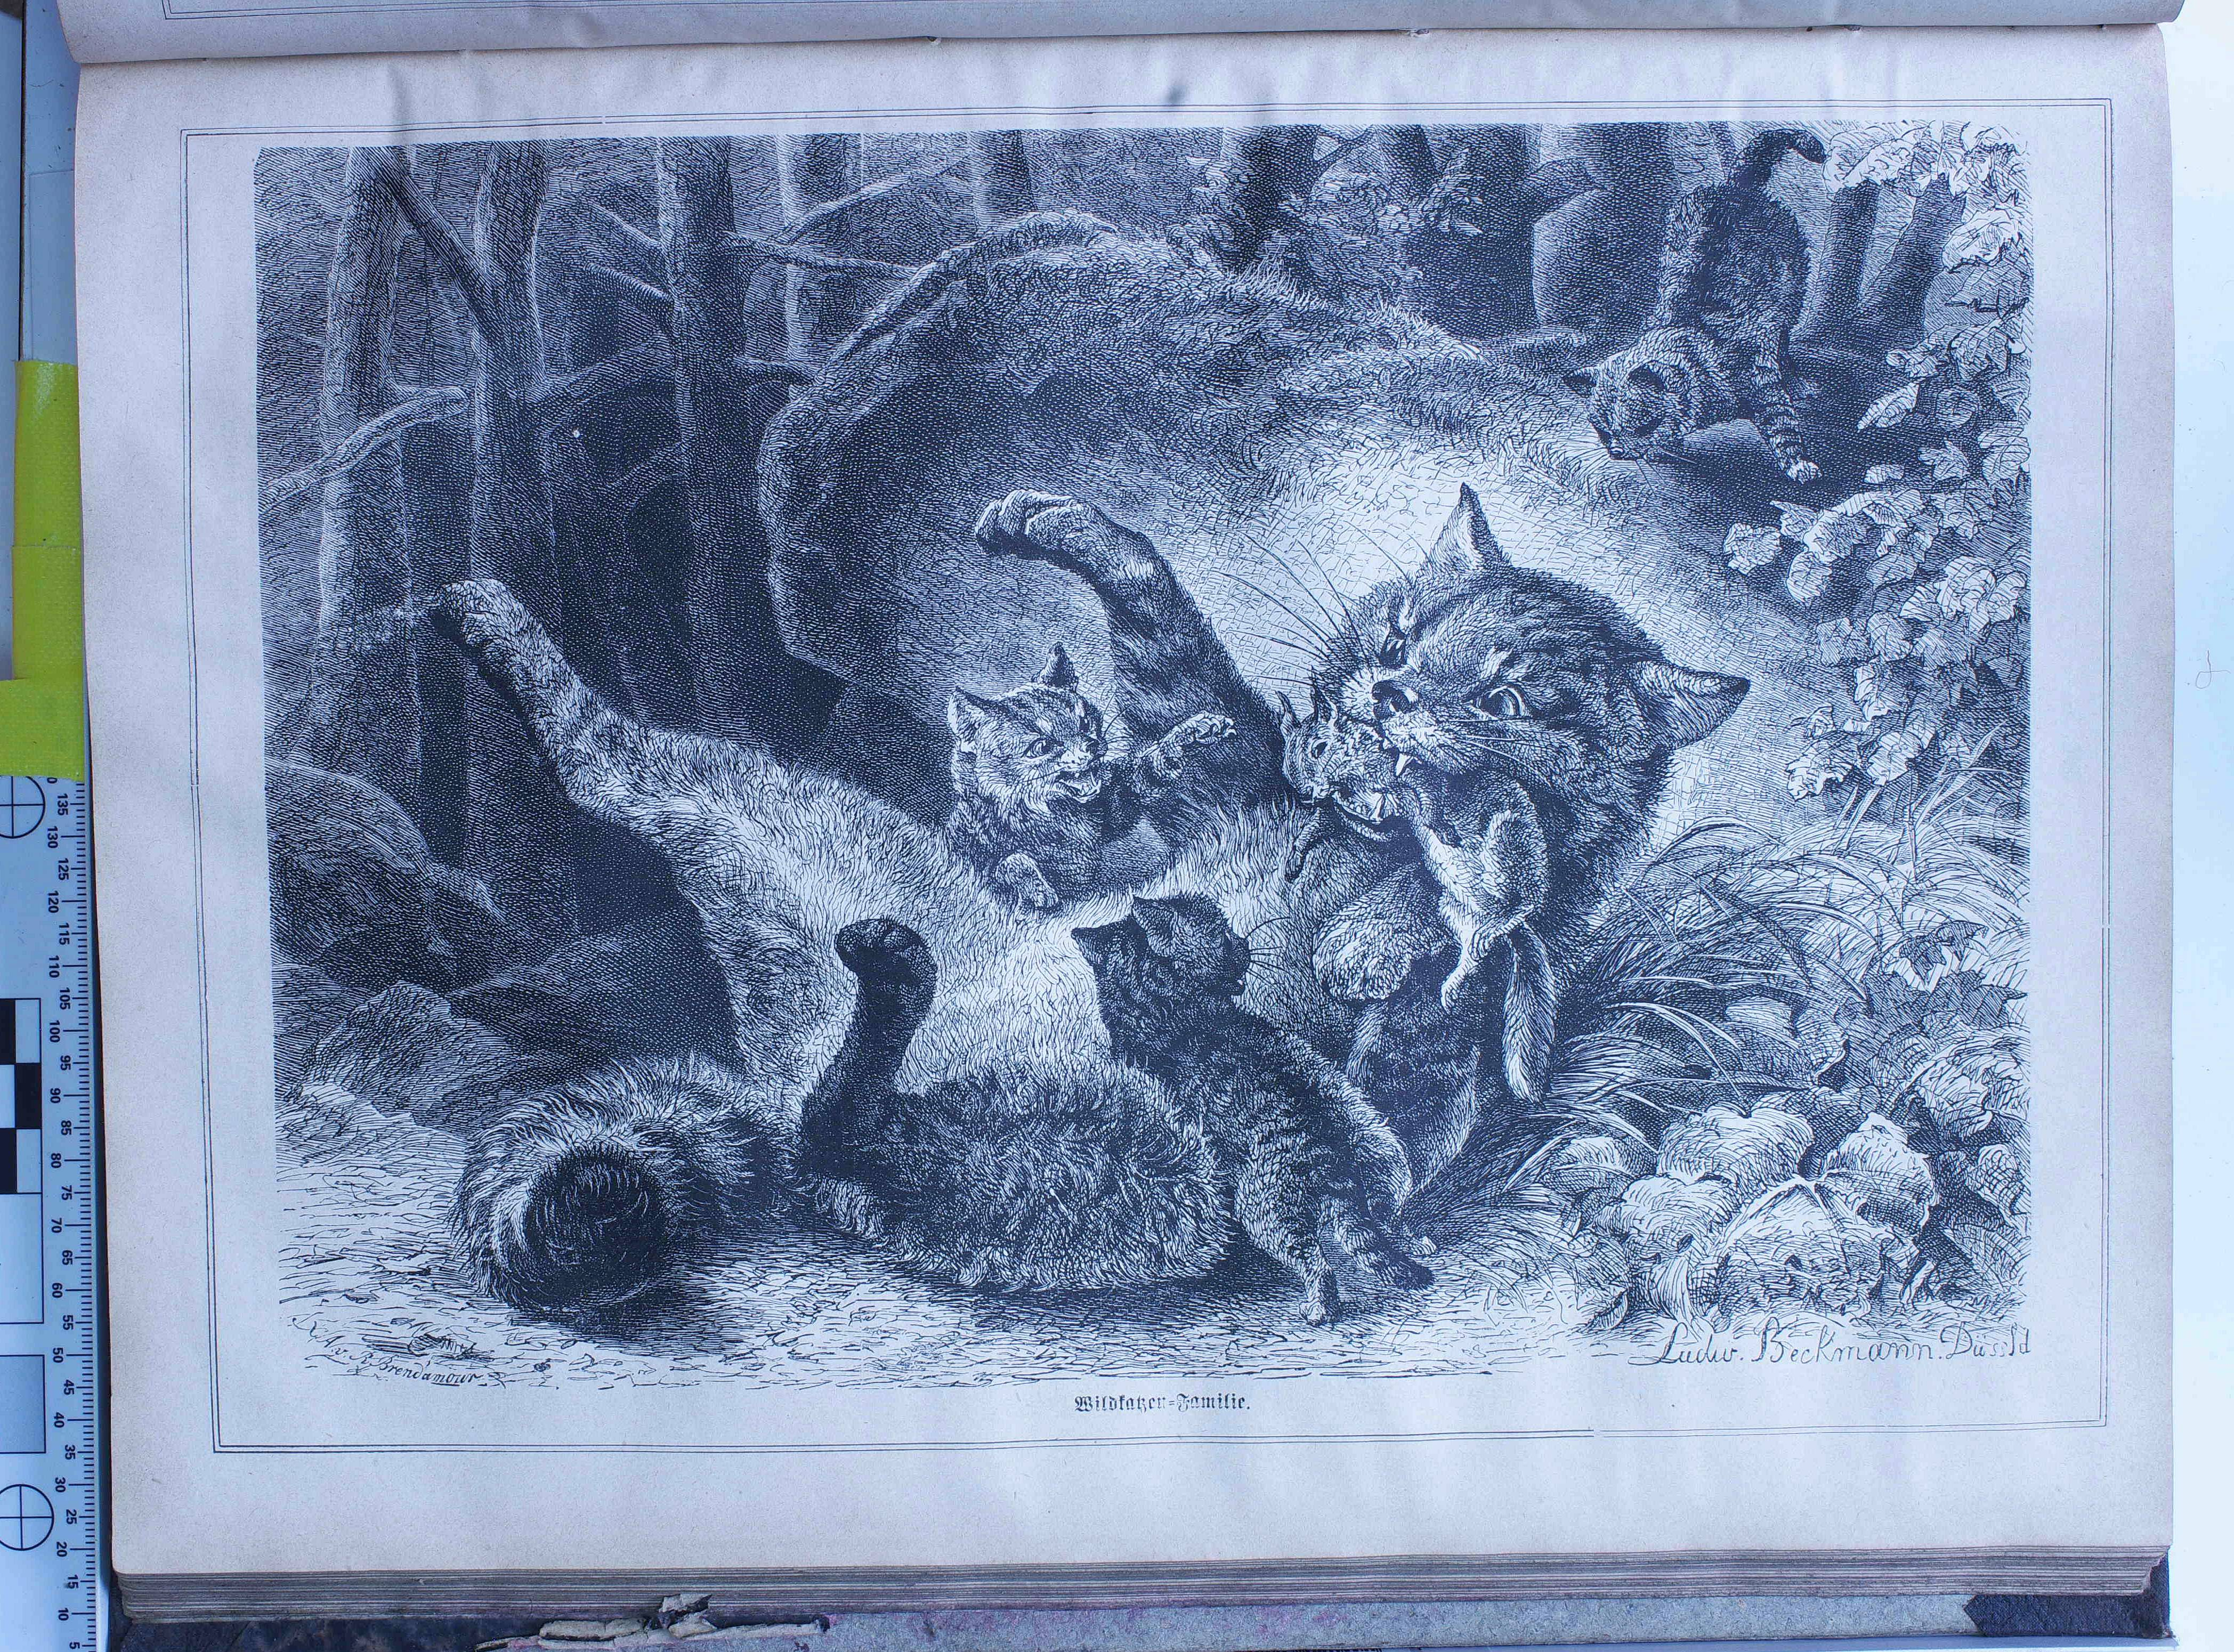Wildkatzen-Familie.
